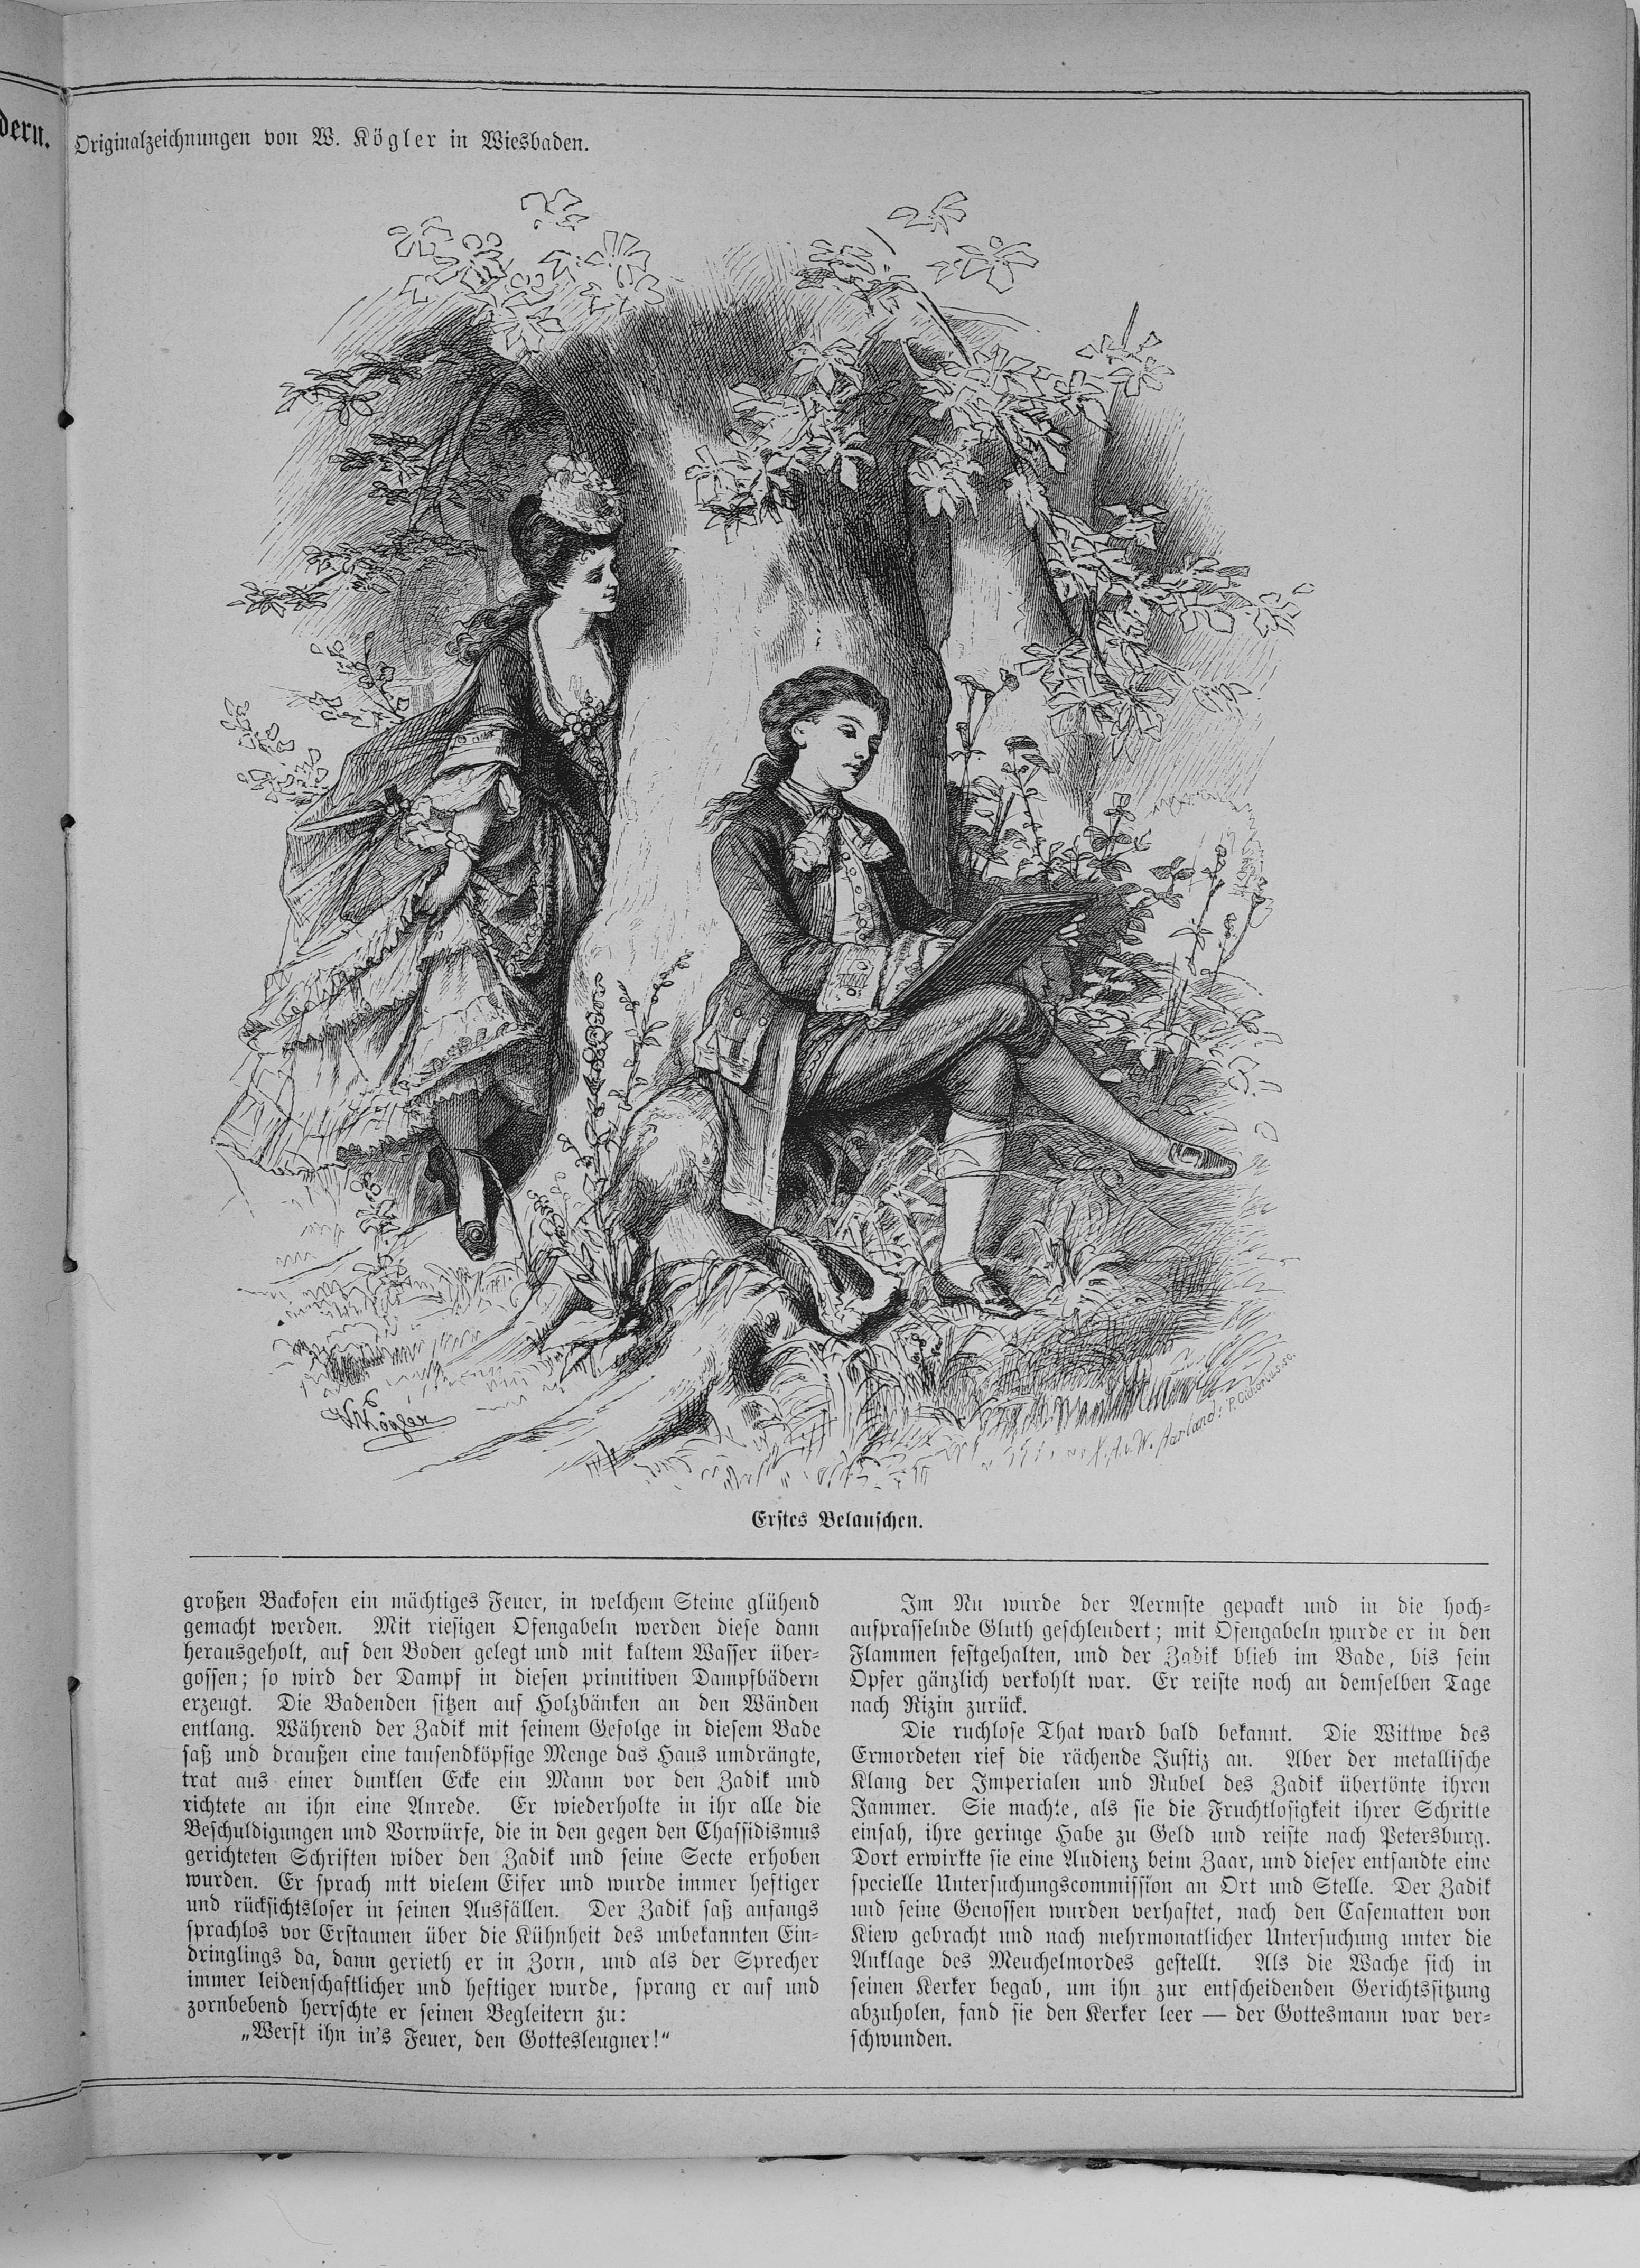Erstes Belauschen.

großen Backofen ein mächtiges Feuer, in welchem Steine glühend gemacht werden. Mit riesigen Ofengabeln werden diese dann herausgeholt, auf den Boden gelegt und mit kaltem Wasser übergossen; so wird der Dampf in diesen primitiven Dampfbädern erzeugt. Die Badenden sitzen auf Holzbänken an den Wänden entlang. Während der Zadik mit seinem Gefolge in diesem Bade saß und draußen eine tausendköpfige Menge das Haus umdrängte, trat aus einer dunklen Ecke ein Mann vor den Zadik und richtete an ihn eine Anrede. Er wiederholte in ihr alle die Beschuldigungen und Vorwürfe, die in den gegen den Chassidismus gerichteten Schriften wider den Zadik und seine Secte erhoben wurden. Er sprach mit vielem Eifer und wurde immer heftiger und rücksichtsloser in seinen Ausfällen. Der Zadik saß anfangs sprachlos vor Erstaunen über die Kühnheit des unbekannten Eindringlings da, dann gerieth er in Zorn, und als der Sprecher immer leidenschaftlicher und heftiger wurde, sprang er auf und zornbebend herrschte er seinen Begleitern zu:

„Werft ihn in’s Feuer, den Gottesleugner!“

Im Nu wurde der Aermste gepackt und in die hochaufprasselnde Gluth geschleudert; mit Ofengabeln wurde er in den Flammen festgehalten, und der Zadik blieb im Bade, bis sein Opfer gänzlich verkohlt war. Er reiste noch an demselben Tage nach Rizin zurück.

Die ruchlose That ward bald bekannt. Die Wittwe des Ermordeten rief die rächende Justiz an. Aber der metallische Klang der Imperialen und Rubel des Zadik übertönte ihren Jammer. Sie machte, als sie die Fruchtlosigkeit ihrer Schritte einsah, ihre geringe Habe zu Geld und reiste nach Petersburg. Dort erwirkte sie eine Audienz beim Zaar, und dieser entsandte eine specielle Untersuchungscommission an Ort und Stelle. Der Zadik und seine Genossen wurden verhaftet, nach den Casematten von Kiew gebracht und nach mehrmonatlicher Untersuchung unter die Anklage des Meuchelmordes gestellt. Als die Wache sich in seinen Kerker begab, um ihn zur entscheidenden Gerichtssitzung abzuholen, fand sie den Kerker leer – der Gottesmann war verschwunden.
